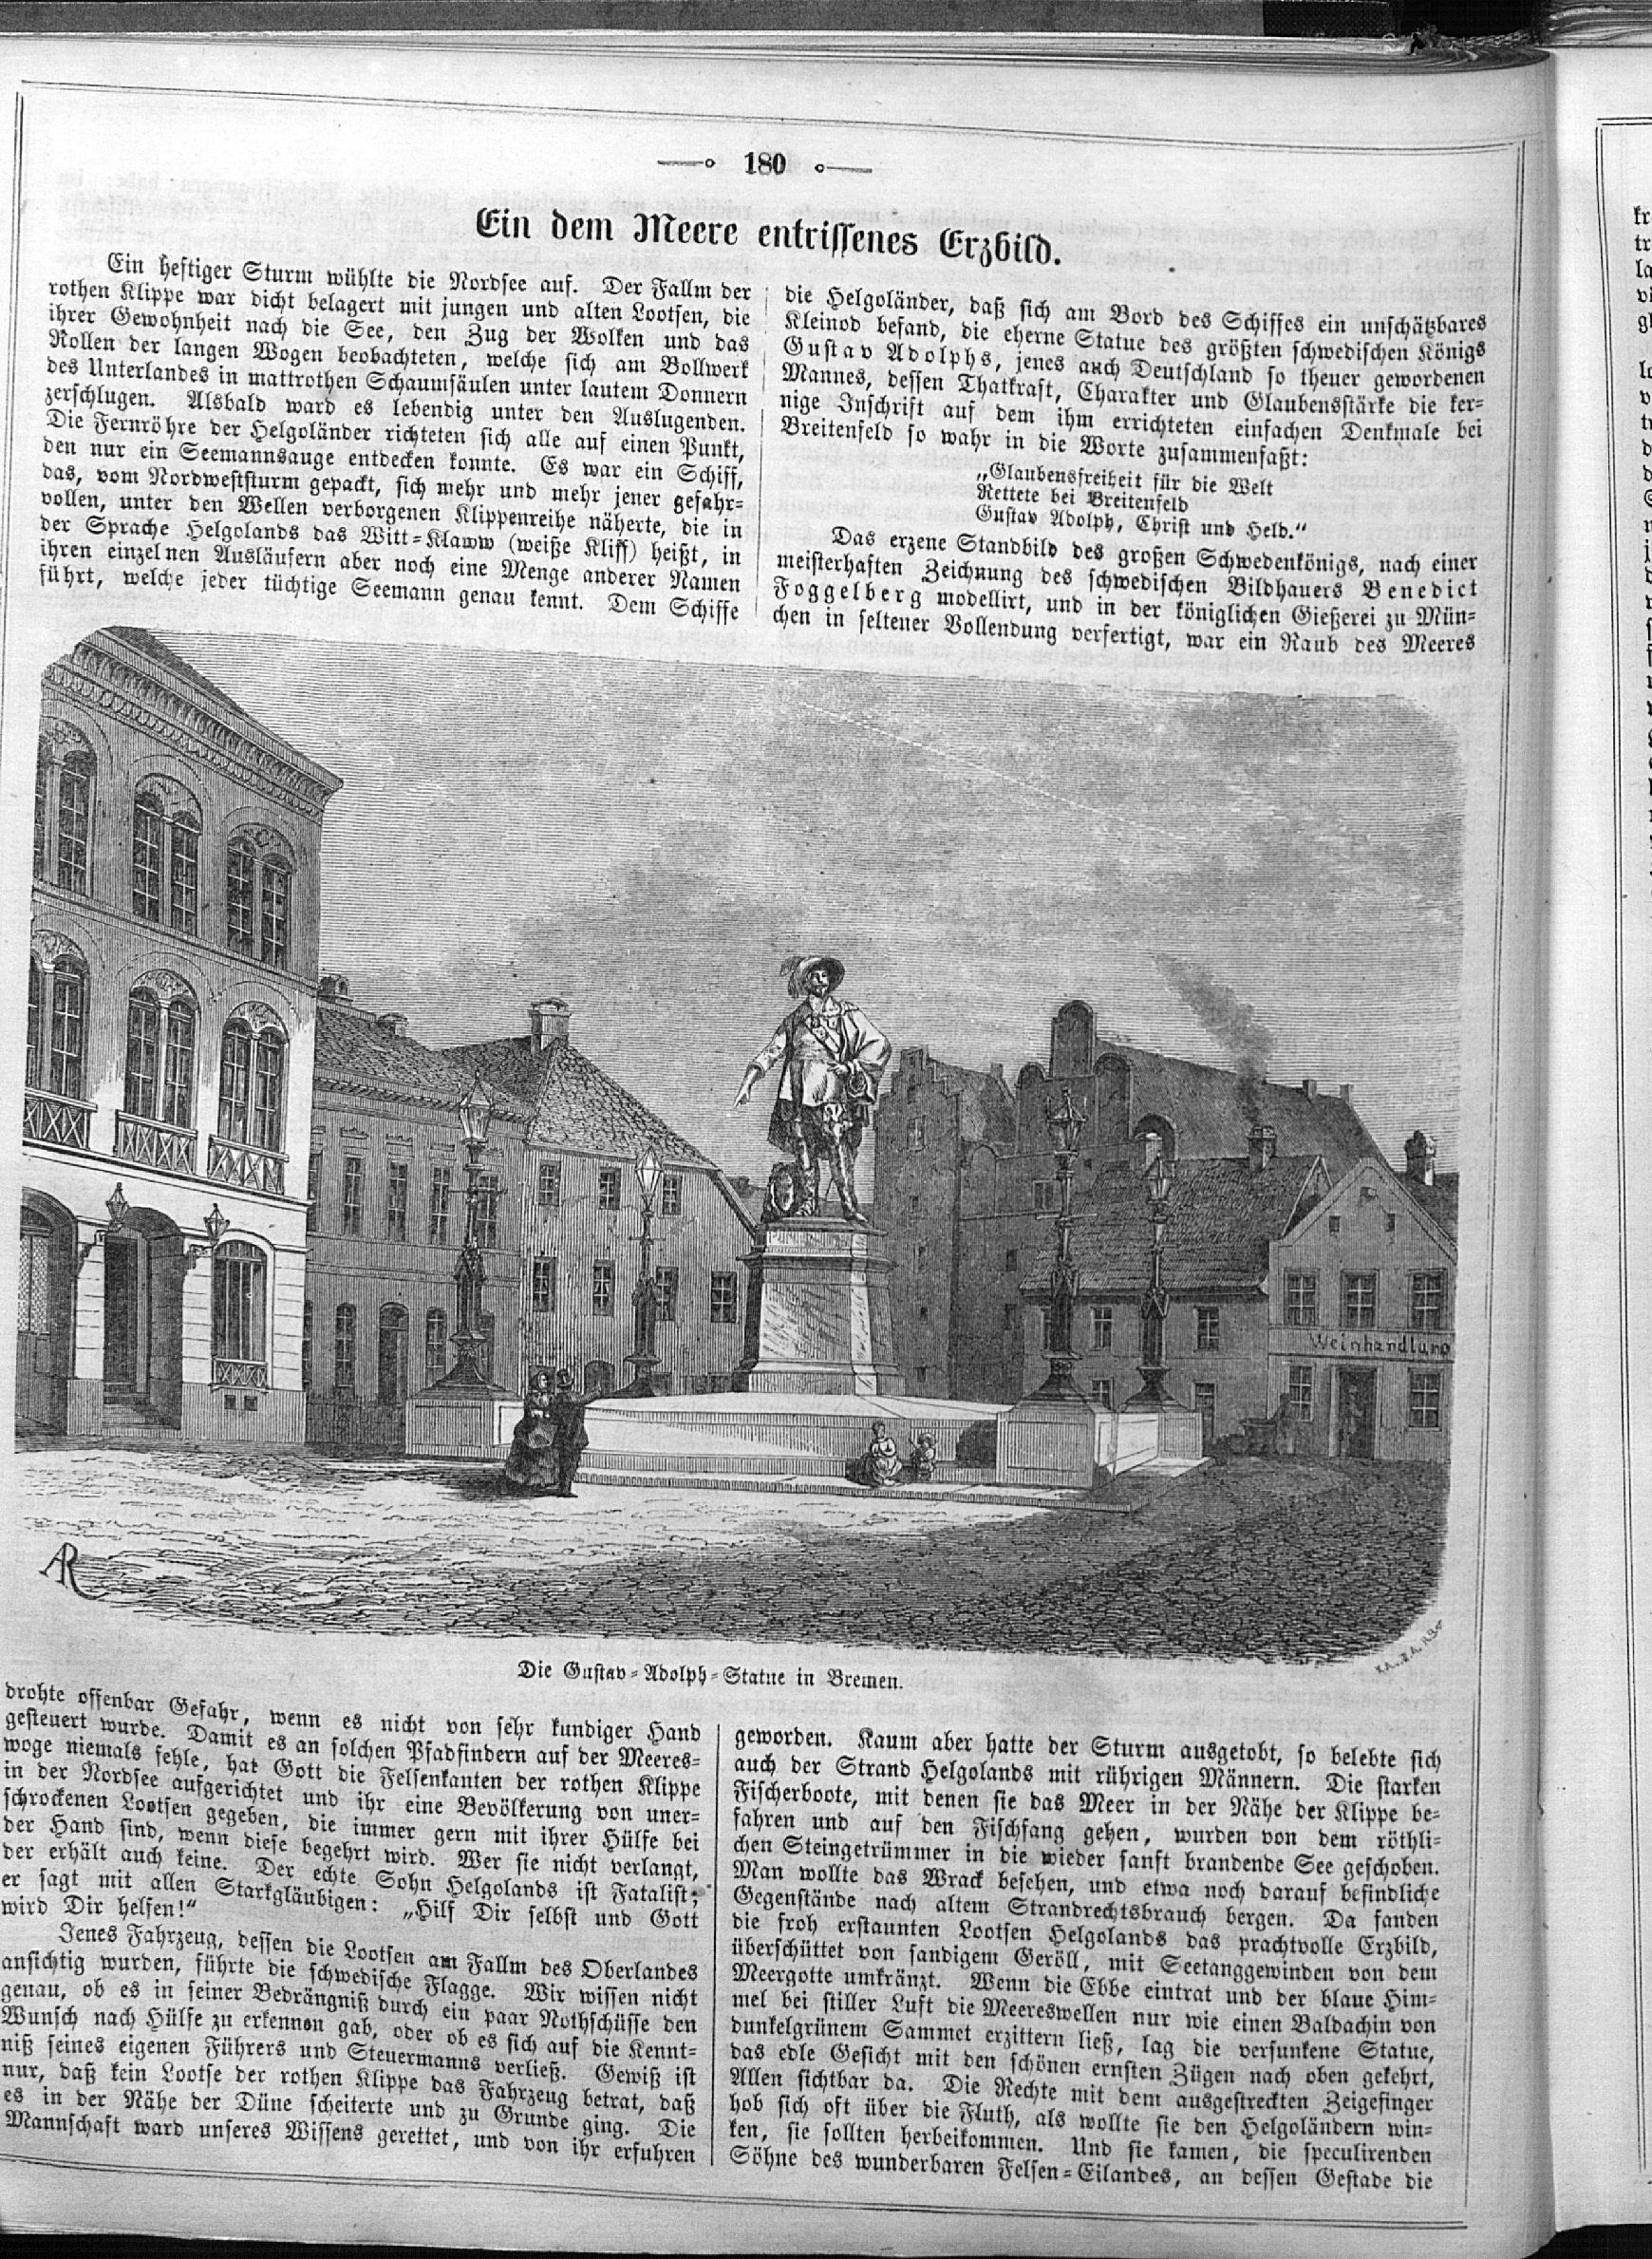Ein dem Meere entrissenes Erzbild.

Ein heftiger Sturm wühlte die Nordsee auf. Der Fallm der rothen Klippe war dicht belagert mit jungen und alten Lootsen, die ihrer Gewohnheit nach die See, den Zug der Wolken und das Rollen der langen Wogen beobachteten, welche sich am Bollwerk des Unterlandes in mattrothen Schaumsäulen unter lautem Donnern zerschlugen. Alsbald ward es lebendig unter den Auslugenden. Die Fernrohre der Helgoländer richteten sich alle auf einen Punkt, den nur ein Seemannsauge entdecken konnte. Es war ein Schiff, das, vom Nordweststurm gepackt, sich mehr und mehr jener gefahrvollen, unter den Wellen verborgenen Klippenreihe näherte, die in der Sprache Helgolands das Witt-Klaww (weiße Kliff) heißt, in ihren einzelnen Ausläufern aber noch eine Menge anderer Namen führt, welche jeder tüchtige Seemann genau kennt. Dem Schiffe drohte offenbar Gefahr, wenn es nicht von sehr kundiger Hand gesteuert wurde. Damit es an solchen Pfadfindern auf der Meereswoge niemals fehle, hat Gott die Felsenkanten der rothen Klippe in der Nordsee aufgerichtet und ihr eine Bevölkerung von unerschrockenen Lootsen gegeben, die immer gern mit ihrer Hülfe bei der Hand sind, wenn diese begehrt wird. Wer sie nicht verlangt, der erhält auch keine. Der echte Sohn Helgolands ist Fatalist; er sagt mit allen Starkgläubigen: „Hilf Dir selbst und Gott wird Dir helfen!“

Jenes Fahrzeug, dessen die Lootsen am Fallm des Oberlands ansichtig wurden, führte die schwedische Flagge. Wir wissen nicht genau, ob es in seiner Bedrängniß durch ein paar Nothschüsse den Wunsch nach Hülfe zu erkennen gab, oder ob es sich auf die Kenntniß seines eigenen Führers und Steuermanns verließ. Gewiß ist nur, daß kein Lootse der rothen Klippe das Fahrzeug betrat, daß es in der Nähe der Düne scheiterte und zu Grunde ging. Die Mannschaft ward unseres Wissens gerettet, und von ihr erfuhren die Helgoländer, daß sich am Bord des Schiffes ein unschätzbares Kleinod befand, die eherne Statue des größten schwedischen Königs Gustav Adolphs, jenes auch Deutschland so theuer gewordenen Mannes, dessen Thatkraft, Charakter und Glaubensstärke die kernige Inschrift auf dem ihm errichteten einfachen Denkmale bei Breitenfeld so wahr in die Worte zusammenfaßt:

„Glaubensfreiheit für die Welt
Rettete bei Breitenfeld
Gustav Adolph, Christ und Held.“

Die Gustav-Adolph-Statue in Bremen.

Das erzene Standbild des großen Schwedenkönigs, nach einer meisterhaften Zeichnung des schwedischen Bildhauers Benedict Foggelberg modellirt, und in der königlichen Gießerei zu München in seltener Vollendung verfertigt, war ein Raub des Meeres geworden. Kaum aber hatte der Sturm ausgetobt, so belebte sich auch der Strand Helgolands mit rührigen Männern. Die starken Fischerboote, mit denen sie das Meer in der Nähe der Klippe befahren und auf den Fischfang gehen, wurden von dem röthlichen Steingetrümmer in die wieder sanft brandende See geschoben. Man wollte das Wrack besehen, und etwa noch darauf befindliche Gegenstände nach altem Strandrechtsbrauch bergen. Da fanden die froh erstaunten Lootsen Helgolands das prachtvolle Erzbild, überschüttet von sandigem Geröll, mit Seetanggewinden von dem Meergotte umkränzt. Wenn die Ebbe eintrat und der blaue Himmel bei stiller Luft die Meereswellen nur wie einen Baldachin von dunkelgrünem Sammet erzittern ließ, lag die versunkene Statue, das edle Gesicht mit den schönen ernsten Zügen nach oben gekehrt, Allen sichtbar da. Die Rechte mit dem ausgestreckten Zeigefinger hob sich oft über die Fluth, als wollte sie den Helgoländern winken, sie sollten herbeikommen. Und sie kamen, die speculirenden Söhne des wunderbaren Felsen-Eilandes, an dessen Gestade die
